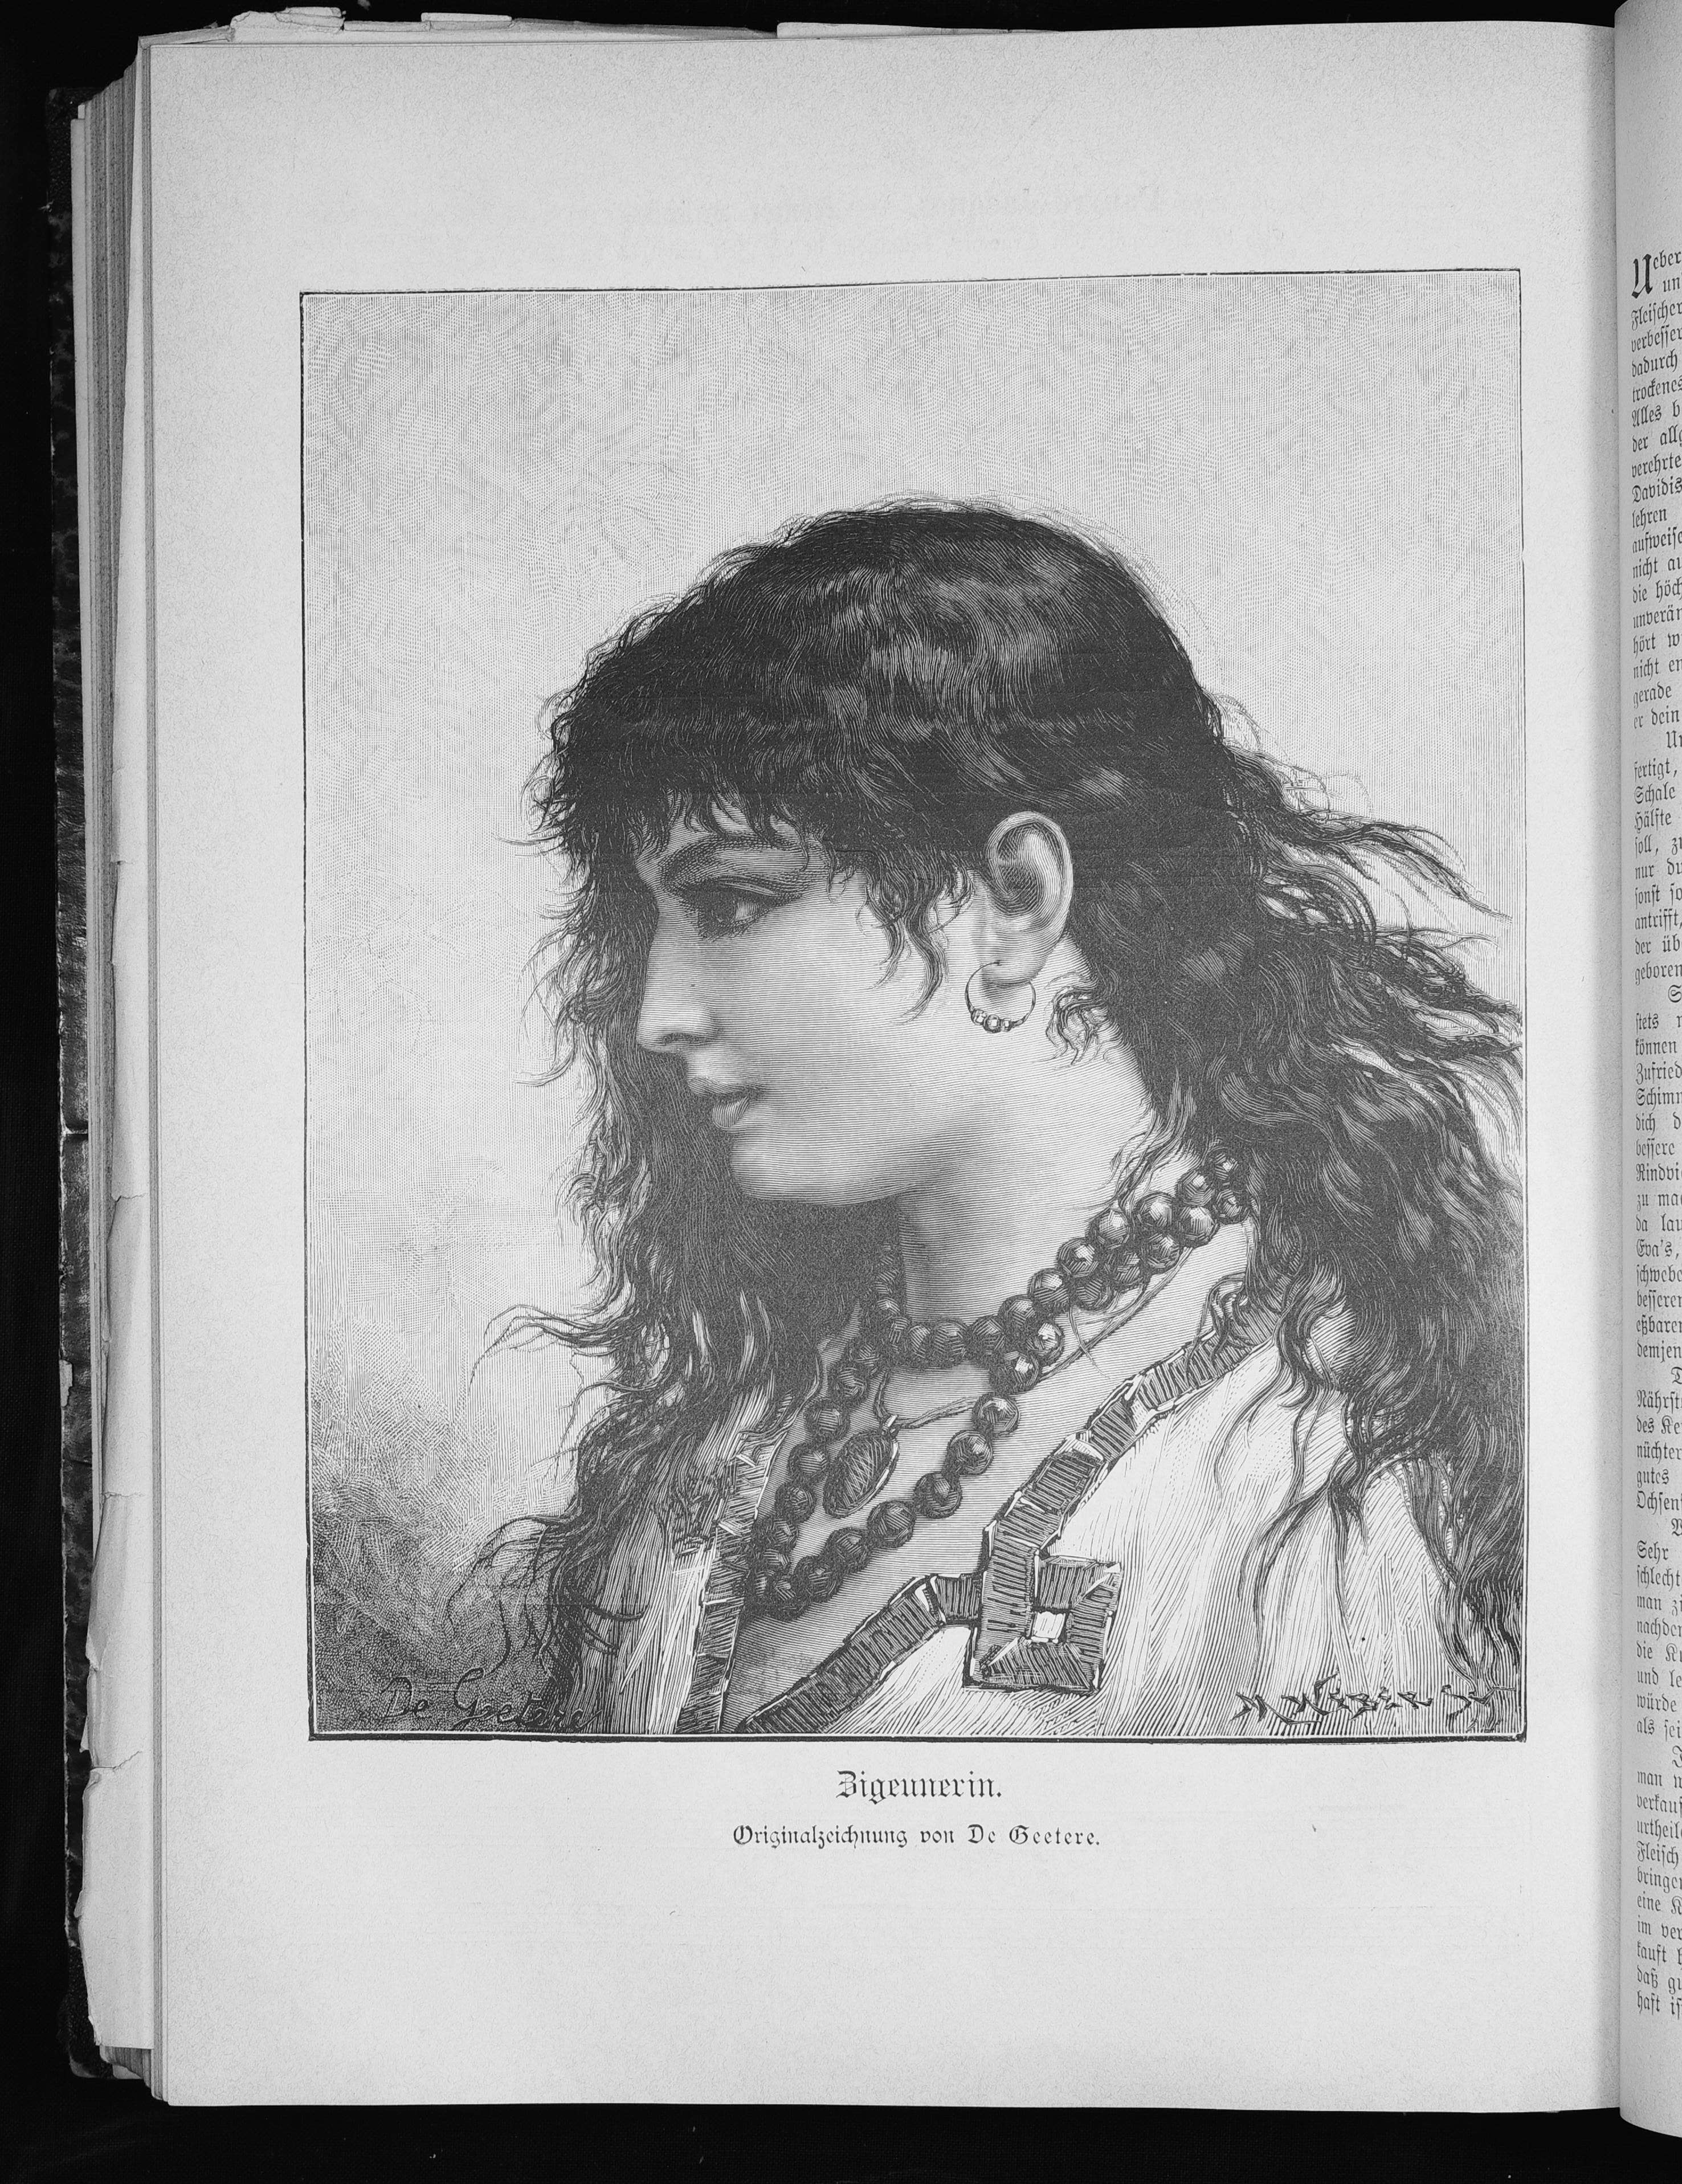Zigeunerin.
Originalzeichnung von De Geetere.
